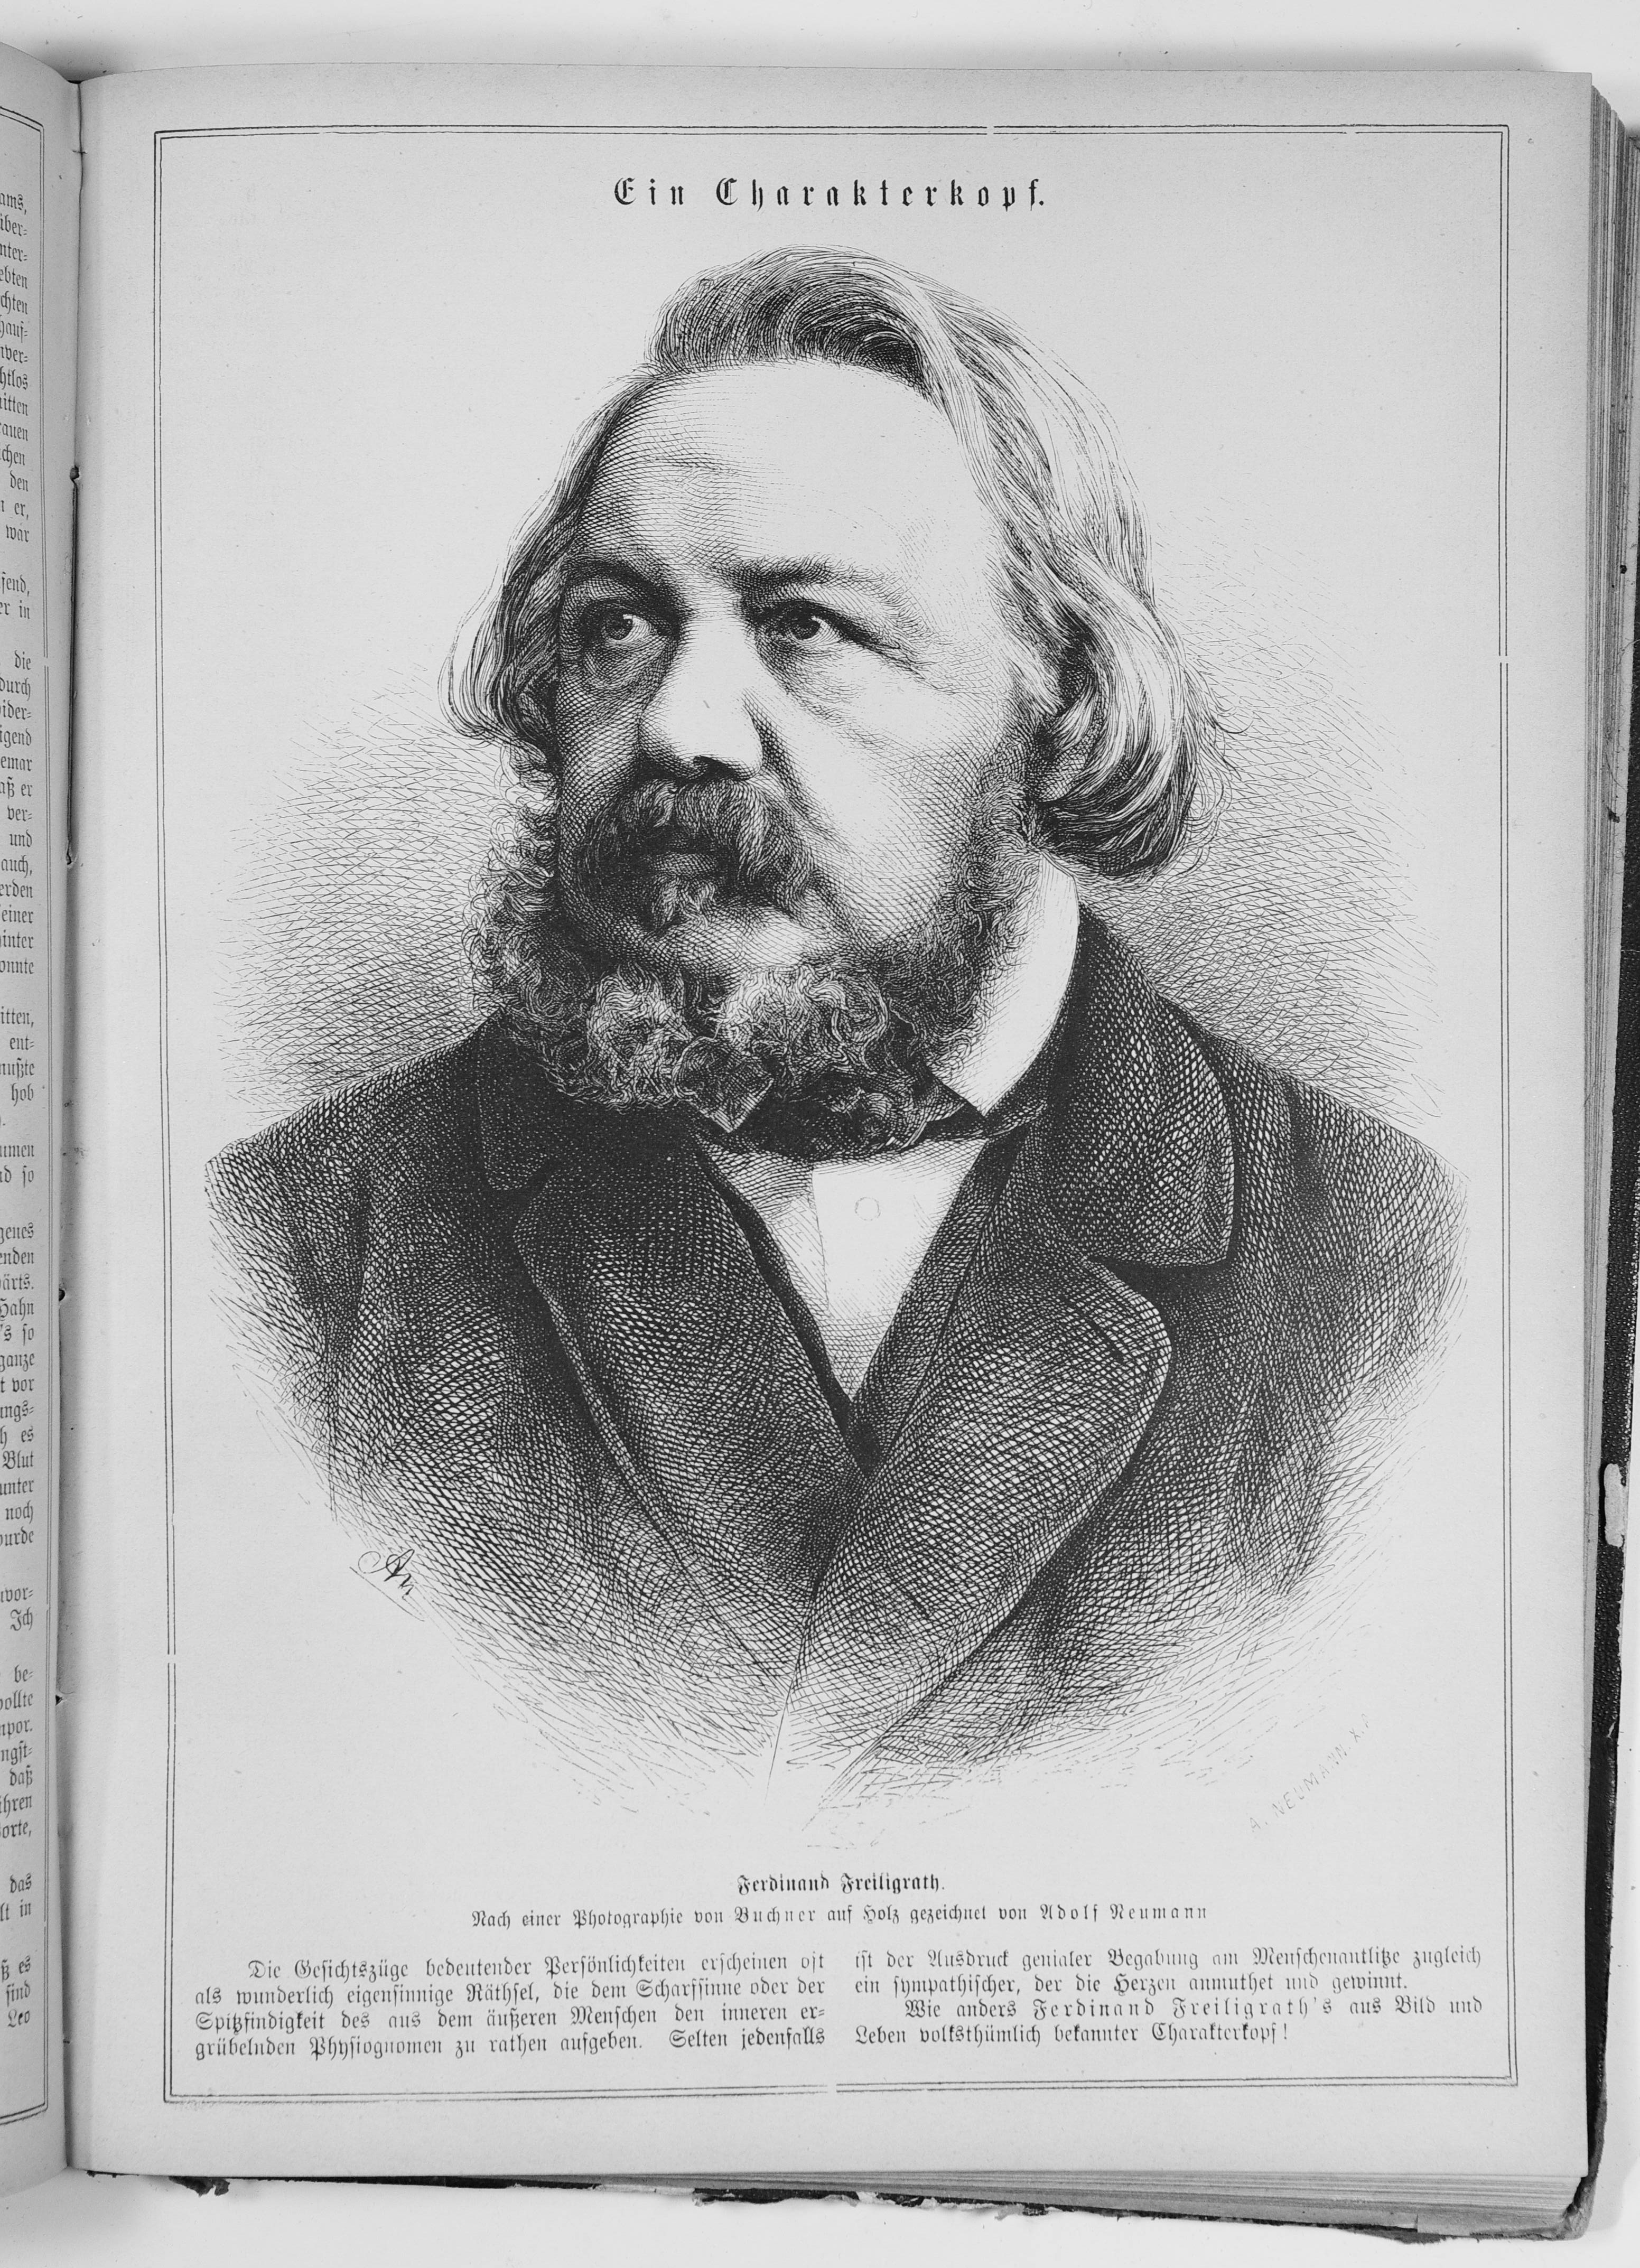Ein Charakterkopf.

Ferdinand Freiligrath.
Nach einer Photographie von Buchner auf Holz gezeichnet von Adolf Neumann.

Die Gesichtszüge bedeutender Persönlichkeiten erscheinen oft als wunderlich eigensinnige Räthsel, die dem Scharfsinne oder der Spitzfindigkeit des aus dem äußeren Menschen den inneren ergrübelnden Physiognomen zu rathen aufgeben. Selten jedenfalls ist der Ausdruck genialer Begabung am Menschenantlitze zugleich ein sympathischer, der die Herzen anmuthet und gewinnt.

Wie anders Ferdinand Freiligrath’s aus Bild und Leben volksthümlich bekannter Charakterkopf!
